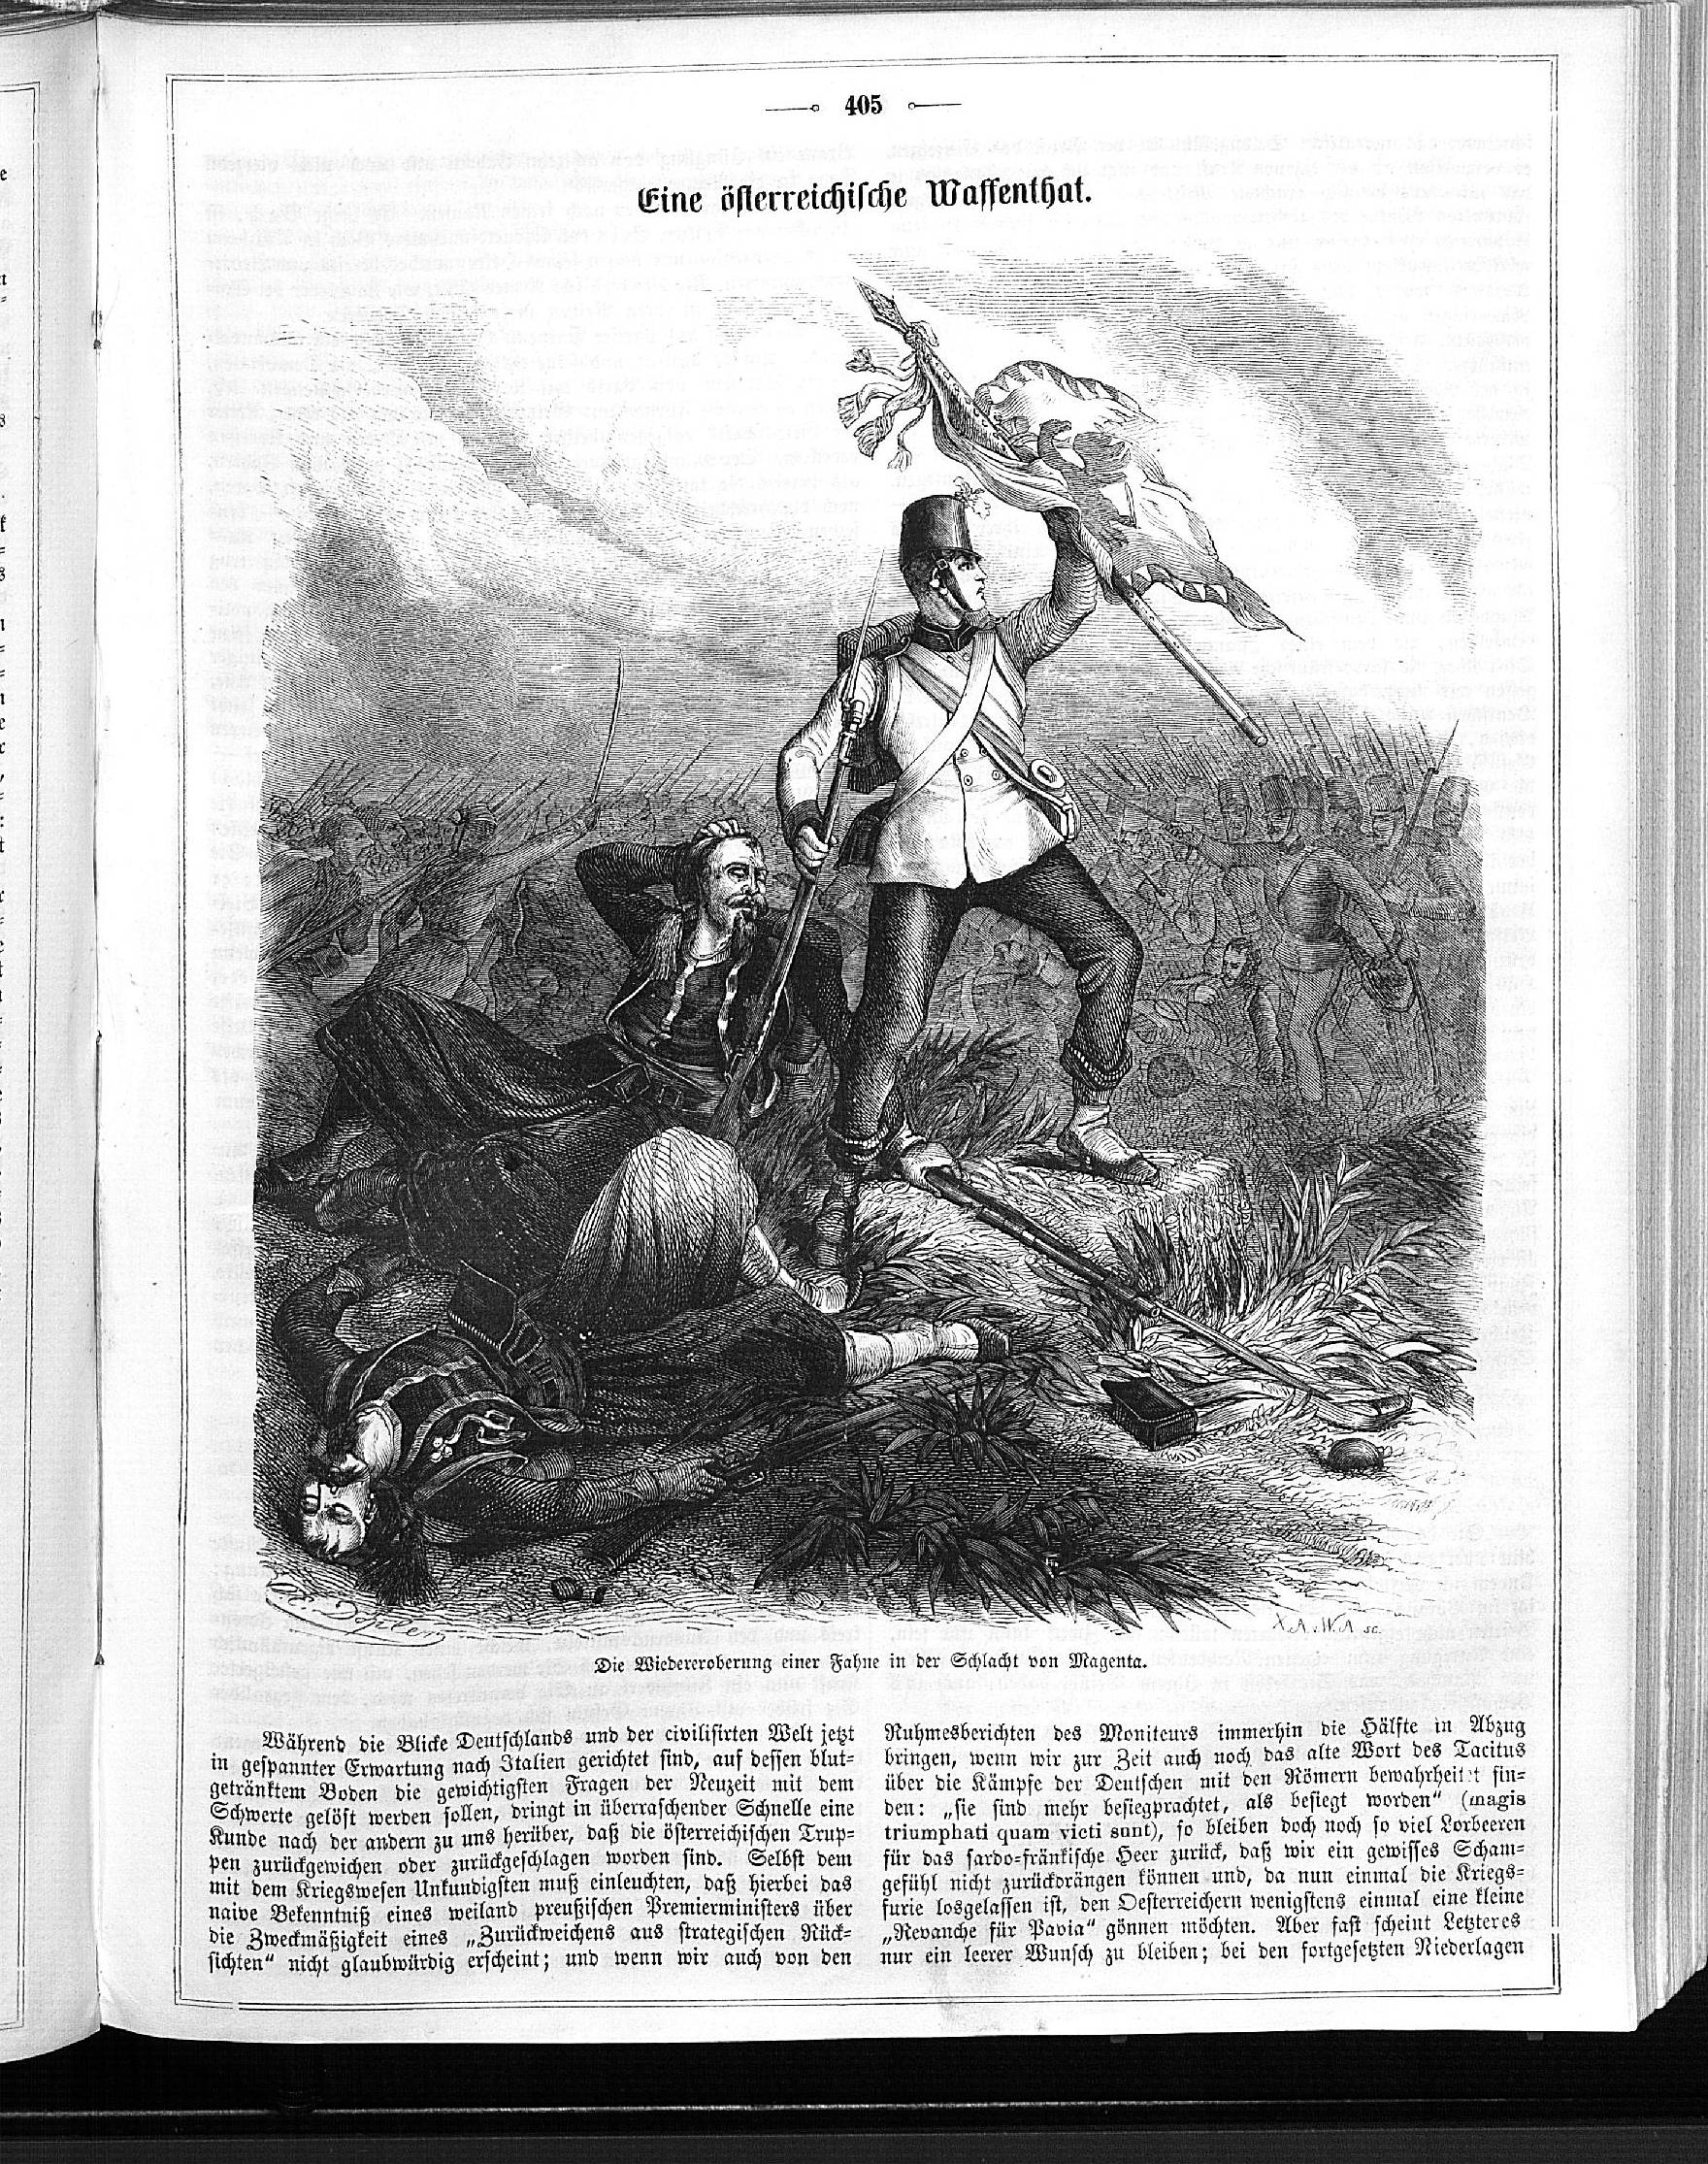Eine österreichische Waffenthat.
Die Wiedereroberung einer Fahne in der Schlacht von Magenta.

Während die Blicke Deutschlands und der civilisirten Welt jetzt in gespannter Erwartung nach Italien gerichtet sind, auf dessen blutgetränktem Boden die gewichtigsten Fragen der Neuzeit mit dem Schwerte gelöst werden sollen, dringt in überraschender Schnelle eine Kunde nach der andern zu uns herüber, daß die österreichischen Truppen zurückgewichen oder zurückgeschlagen worden sind. Selbst dem mit dem Kriegswesen Unkundigsten muß einleuchten, daß hierbei das naive Bekenntniß eines weiland preußischen Premierministers über die Zweckmäßigkeit eines „Zurückweichens aus strategischen Rücksichten“ nicht glaubwürdig erscheint; und wenn wir auch von den Ruhmesberichten des Moniteurs immerhin die Hälfte in Abzug bringen, wenn wir zur Zeit auch noch das alte Wort des Tacitus über die Kämpfe der Deutschen mit den Römern bewahrheitet finden: „sie sind mehr besiegprachtet, als besiegt worden“ (magis triumphati quam victi sunt), so bleiben doch noch so viel Lorbeeren für das sardo-fränkische Heer zurück, daß wir ein gewisses Schamgefühl nicht zurückdrängen können und, da nun einmal die Kriegsfurie losgelassen ist, den Oesterreichern wenigstens einmal eine kleine „Revanche für Pavia“ gönnen möchten. Aber fast scheint Letzteres nur ein leerer Wunsch zu bleiben; bei den fortgesetzten Niederlagen
